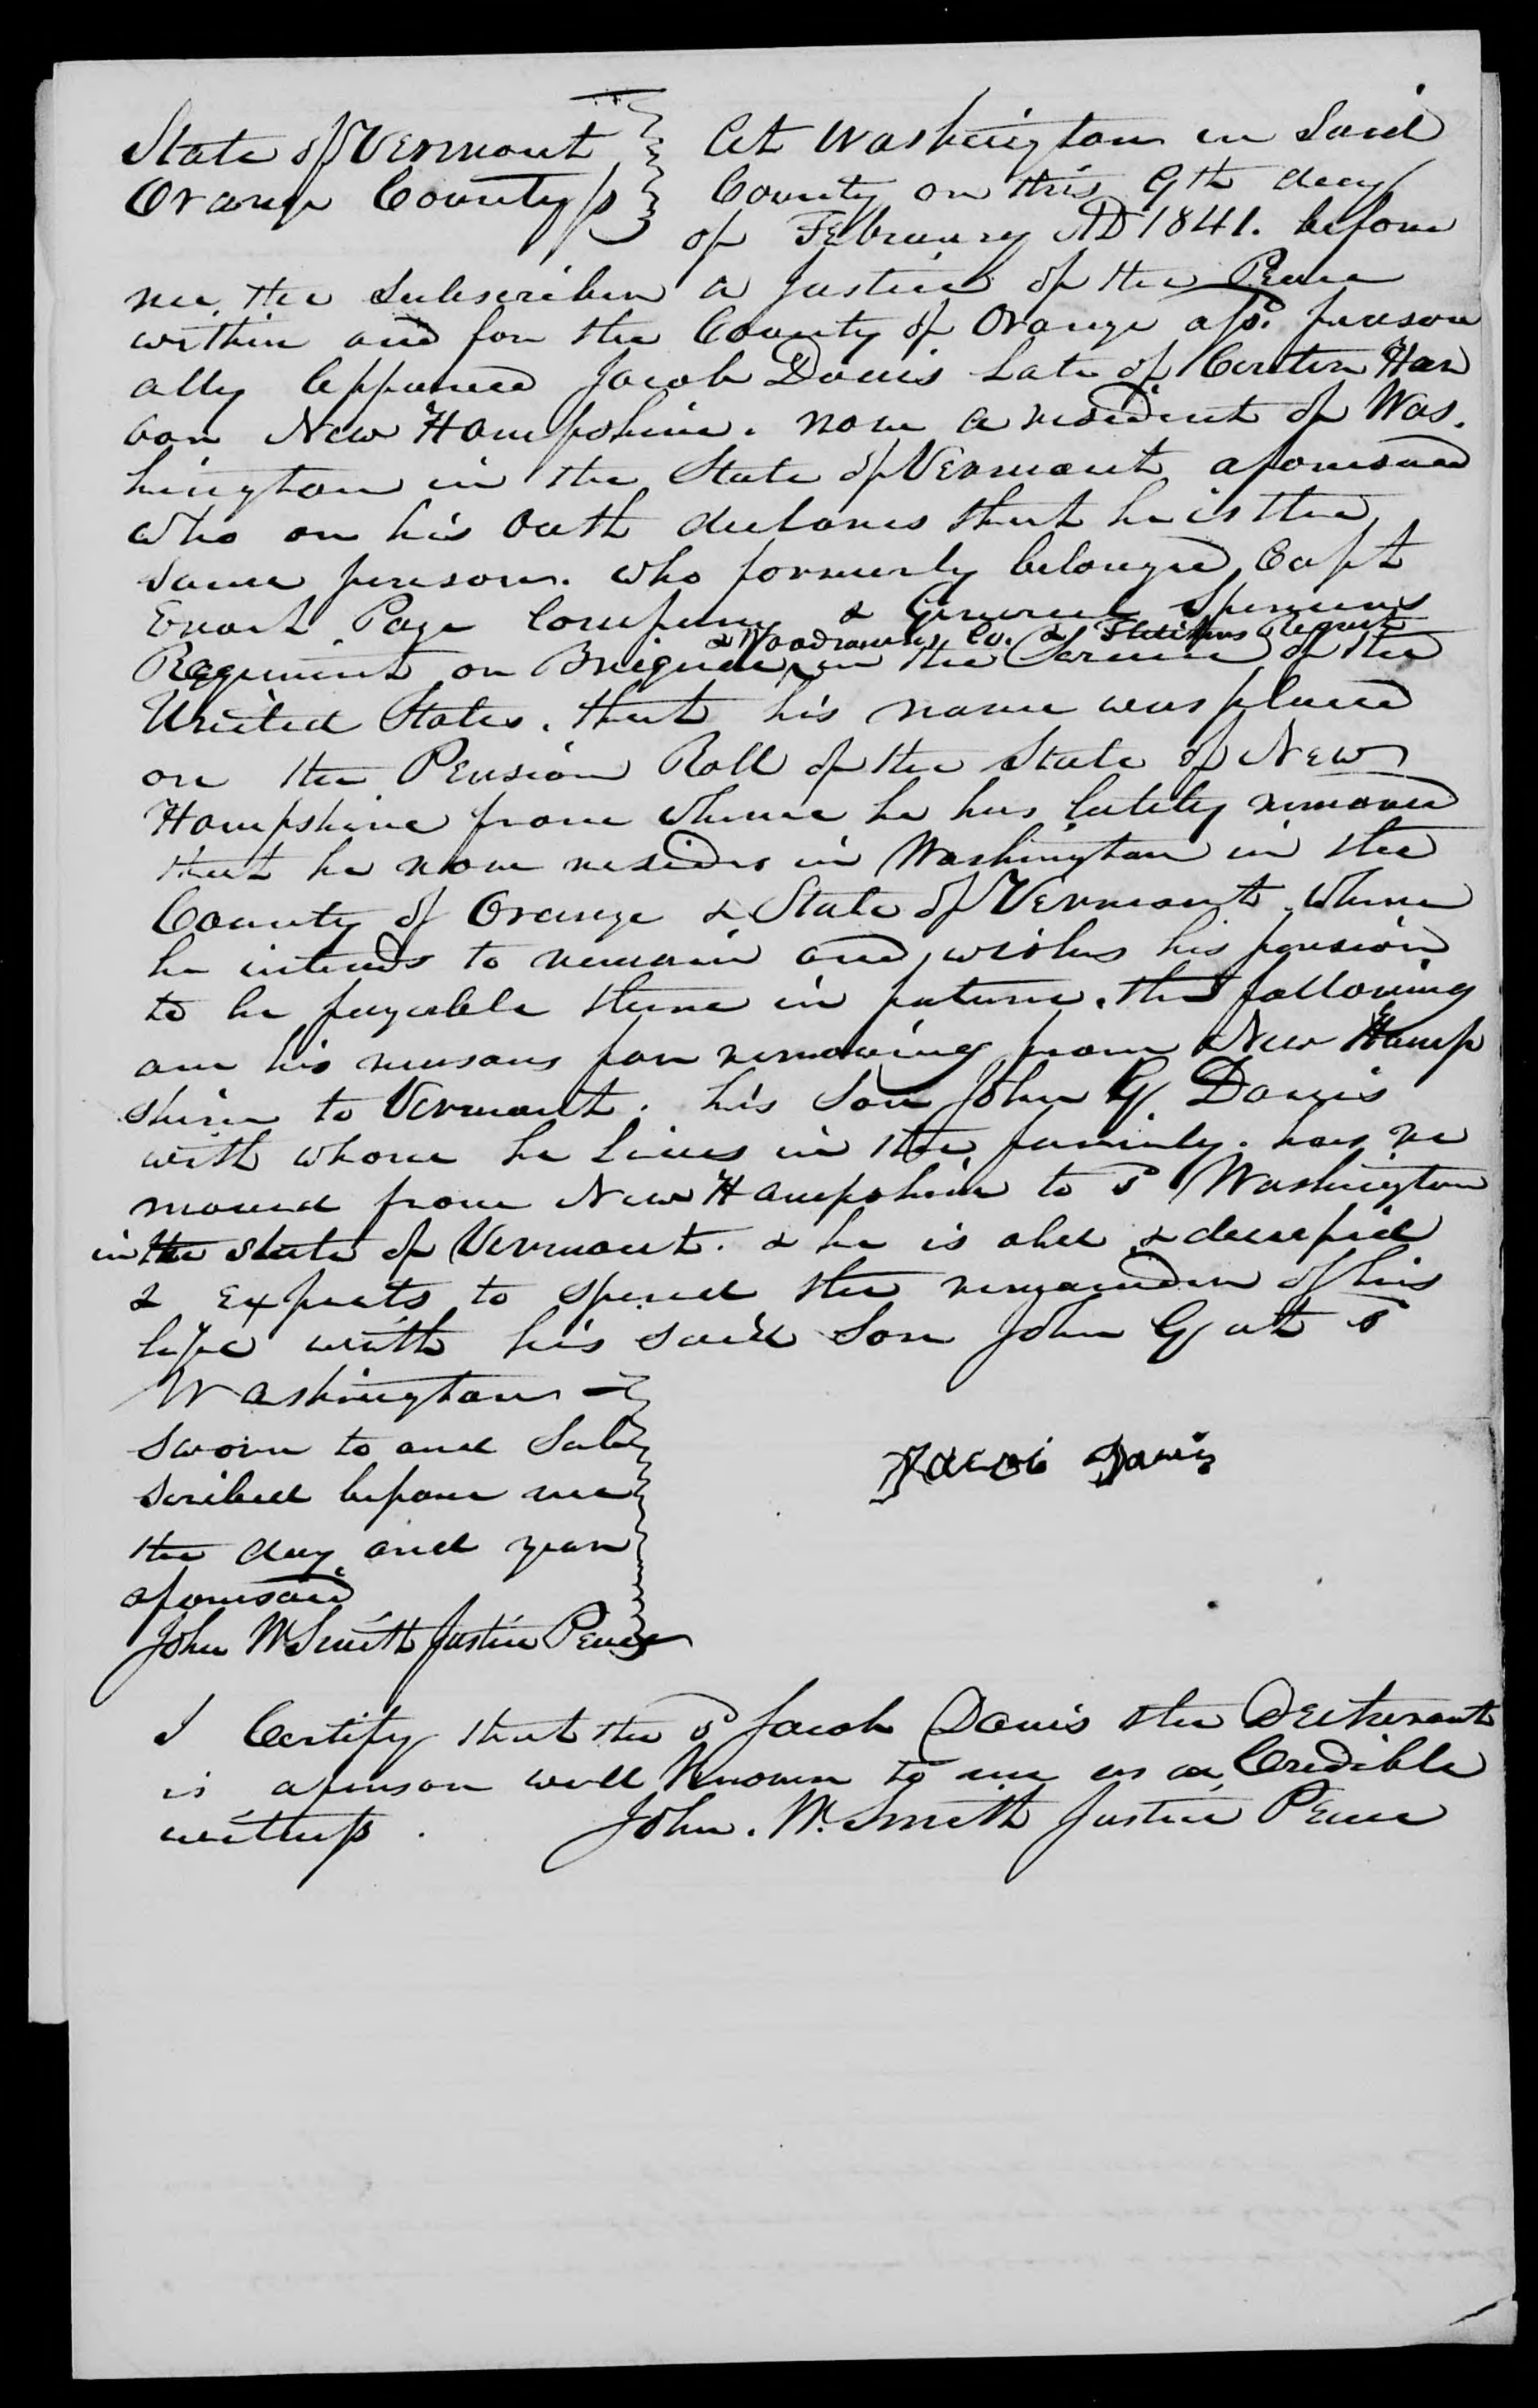State of Vermont
Orange County SS
At Washington in Said County on this 9th day of February AD 1841. before me the Subscriber a Justice of the Peace within and for the County of Orange afsd [aforesaid] personally appeared Jacob Davis Late of Center Harbor New Hampshire, now a resident of Washington in the State of Vermont aforesaid who on his oath declares that he is the Same
person who formerly belonged, Capt Evart Page Company
and General Spenner's Regiment or Brigade and Woodman[']s Co. and [illegible] Regent [Regiment] in the service of the
United States, that his name was placed on the Pension Roll of the State of New Hampshire from thence he has lately removed
that he now resides in Washington in the County of Orange and State of Vermont where he intends to remain and wishes his pension to be payable there in future, that following are his reasons for removing from New Hampshire to Vermont, his son John G. Davis with whom he lives in the family has removed from New Hampshire to sd [said] Washington in the State of Vermont. and he is old and decrepid [decrepit] and expects to spend the remainder of
life with his said son John G at Washington -
Jacob Davis
Sworn to and Subscribed before me the day and year
aforesaid
John W Smith Justice Peace
I Certify that the sd [said] Jacob Davis the Deponent is a
person well known to me as a Credible witness
John W. Smith Justice Peace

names: John W Smith, John W Smith, Jacob Davis, John G Davis, John G, Jacob Davis, Jacob Davis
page: 18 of 47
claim: widow's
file: W. 24043, Jacob Davis, N.H.